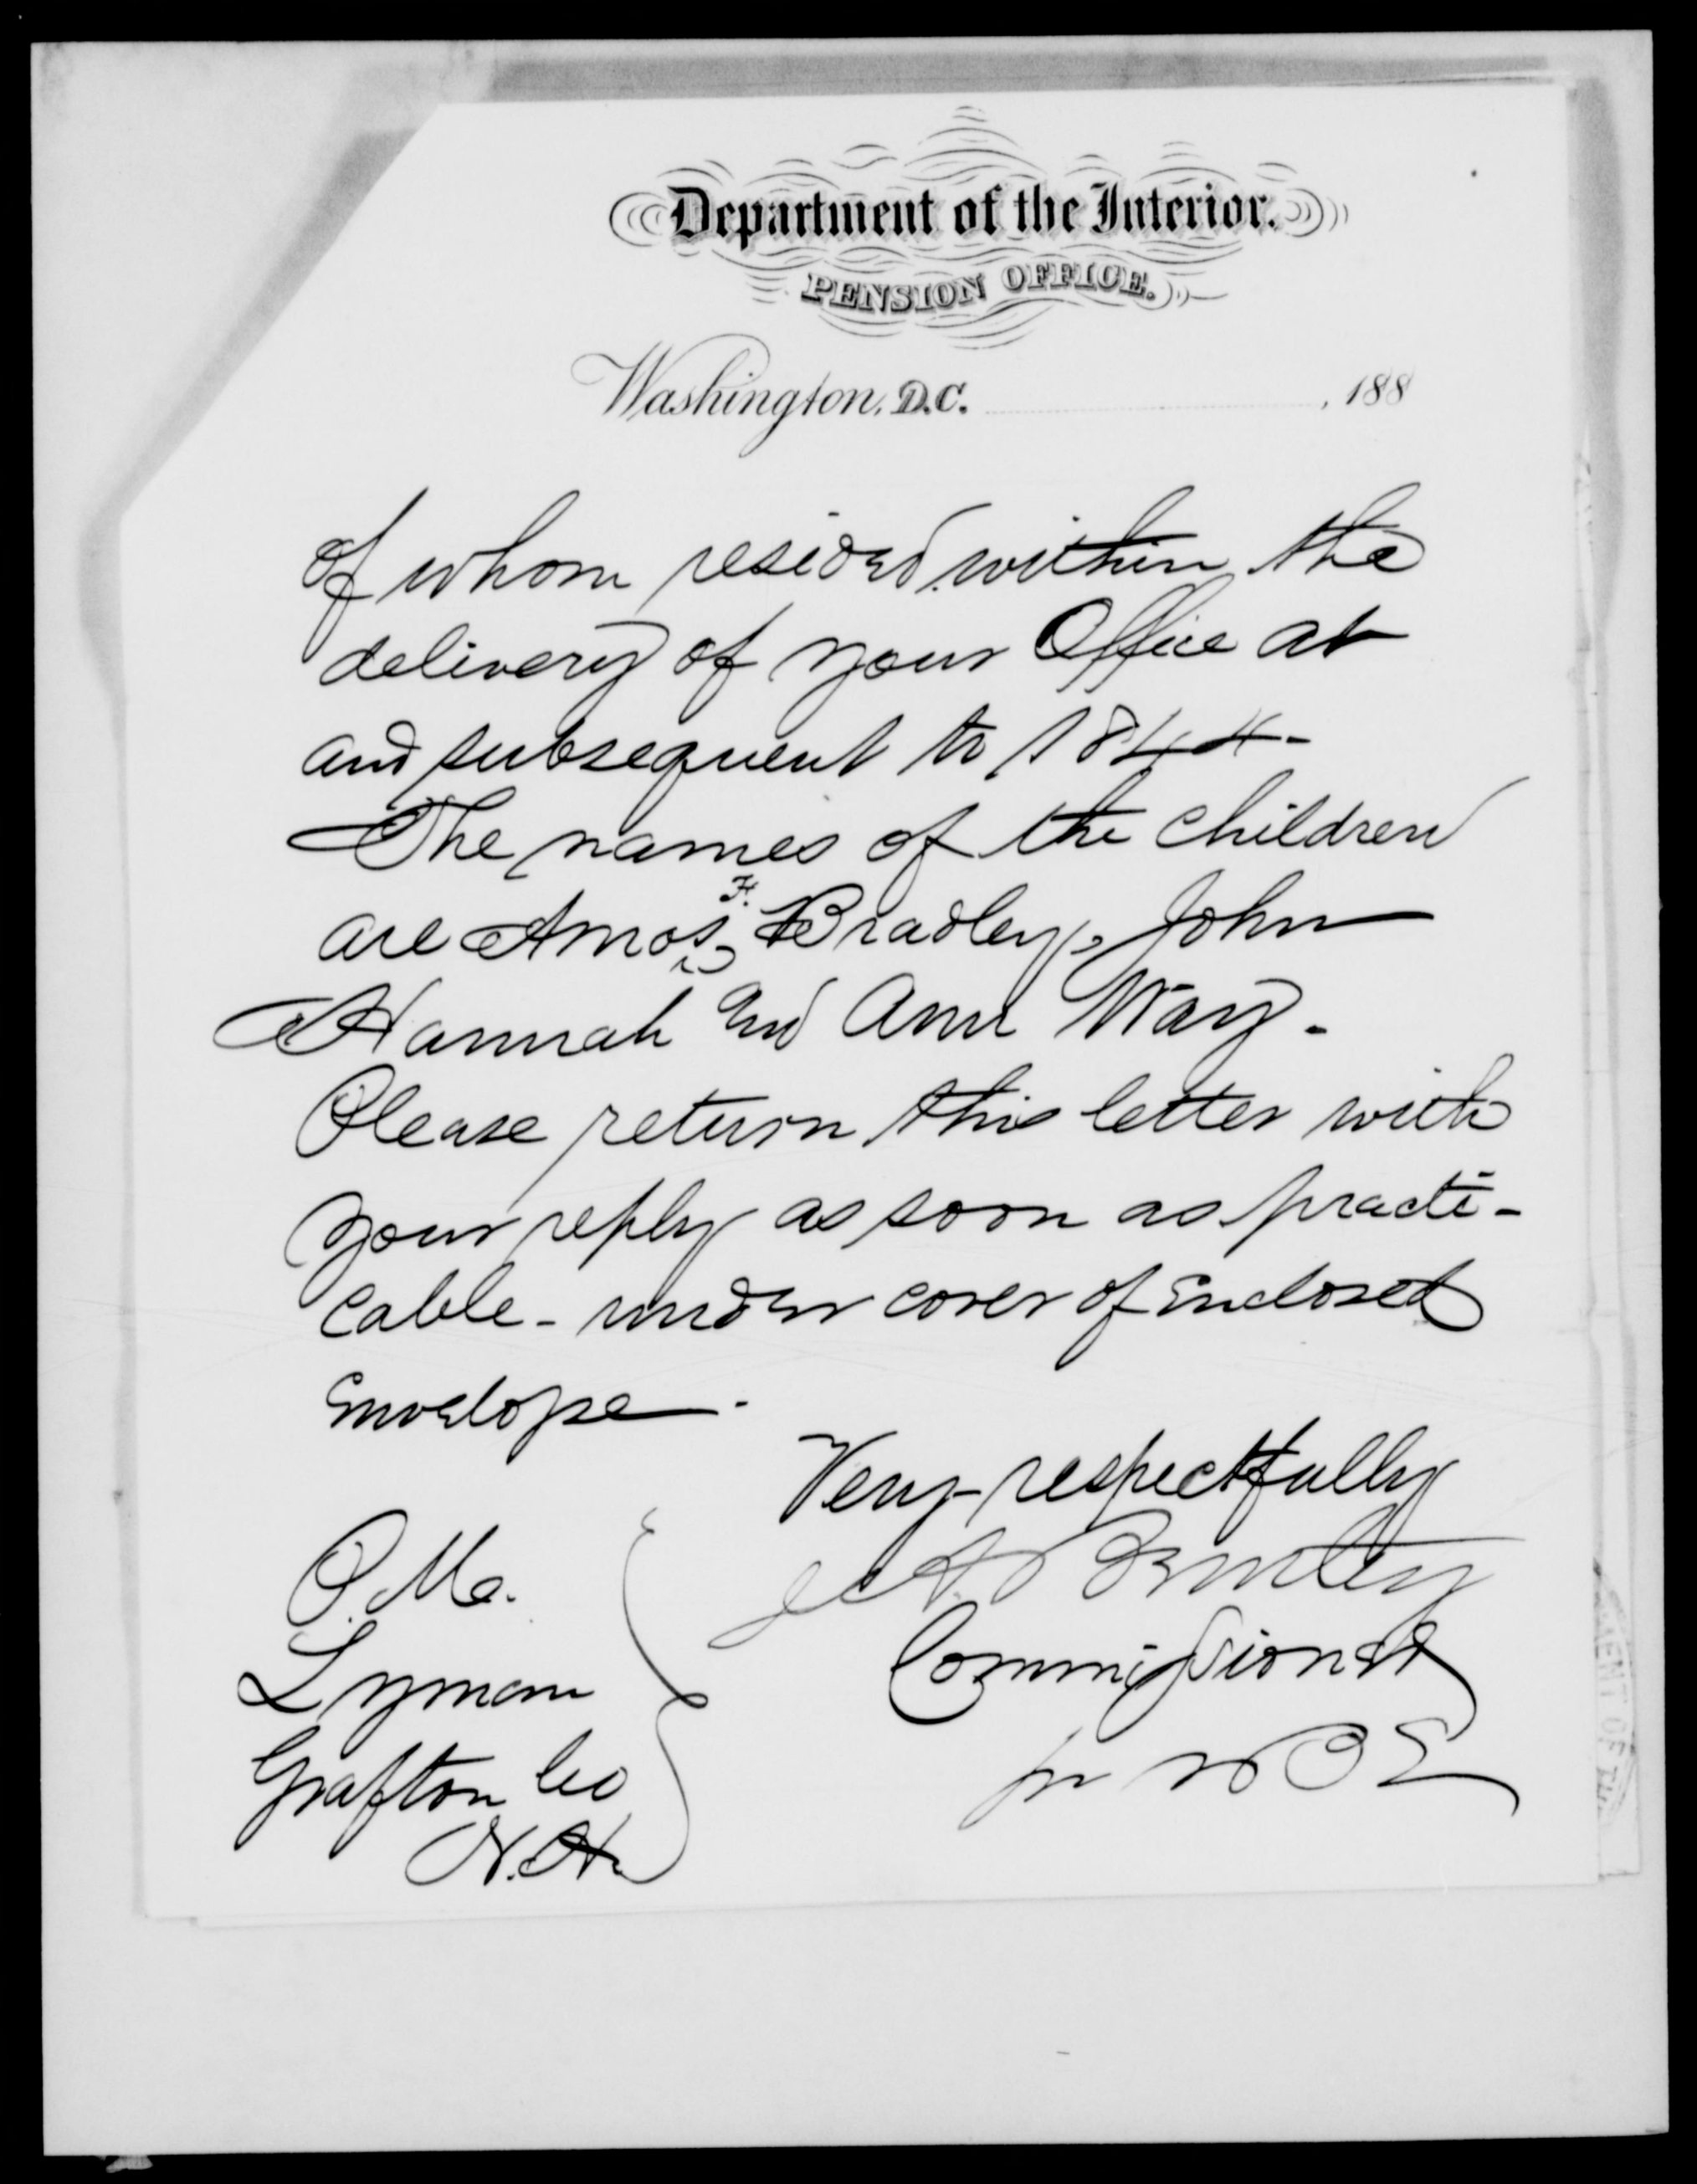Department of the Interior
Pension Office
Washington, D.C.
188
of whom resided within the
delivery of your Office at
and subsequent to 1844.
The names of the children
are Amos F. Bradley, John
Hannah and Ann Way.
Please return this letter with
your reply as soon as practi -
cable under cover of enclosed
Envelope
P.M
Very respectfully
J. A. Bentley
Commissioner
[illegible]
P.M.
Lyman
Grafton Co
N. H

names: J A Bentley, John A Hannah, Ann Way, Amos F Bradley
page: 64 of 78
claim: widow's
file: W. 25856, Samuel Way, N.H.